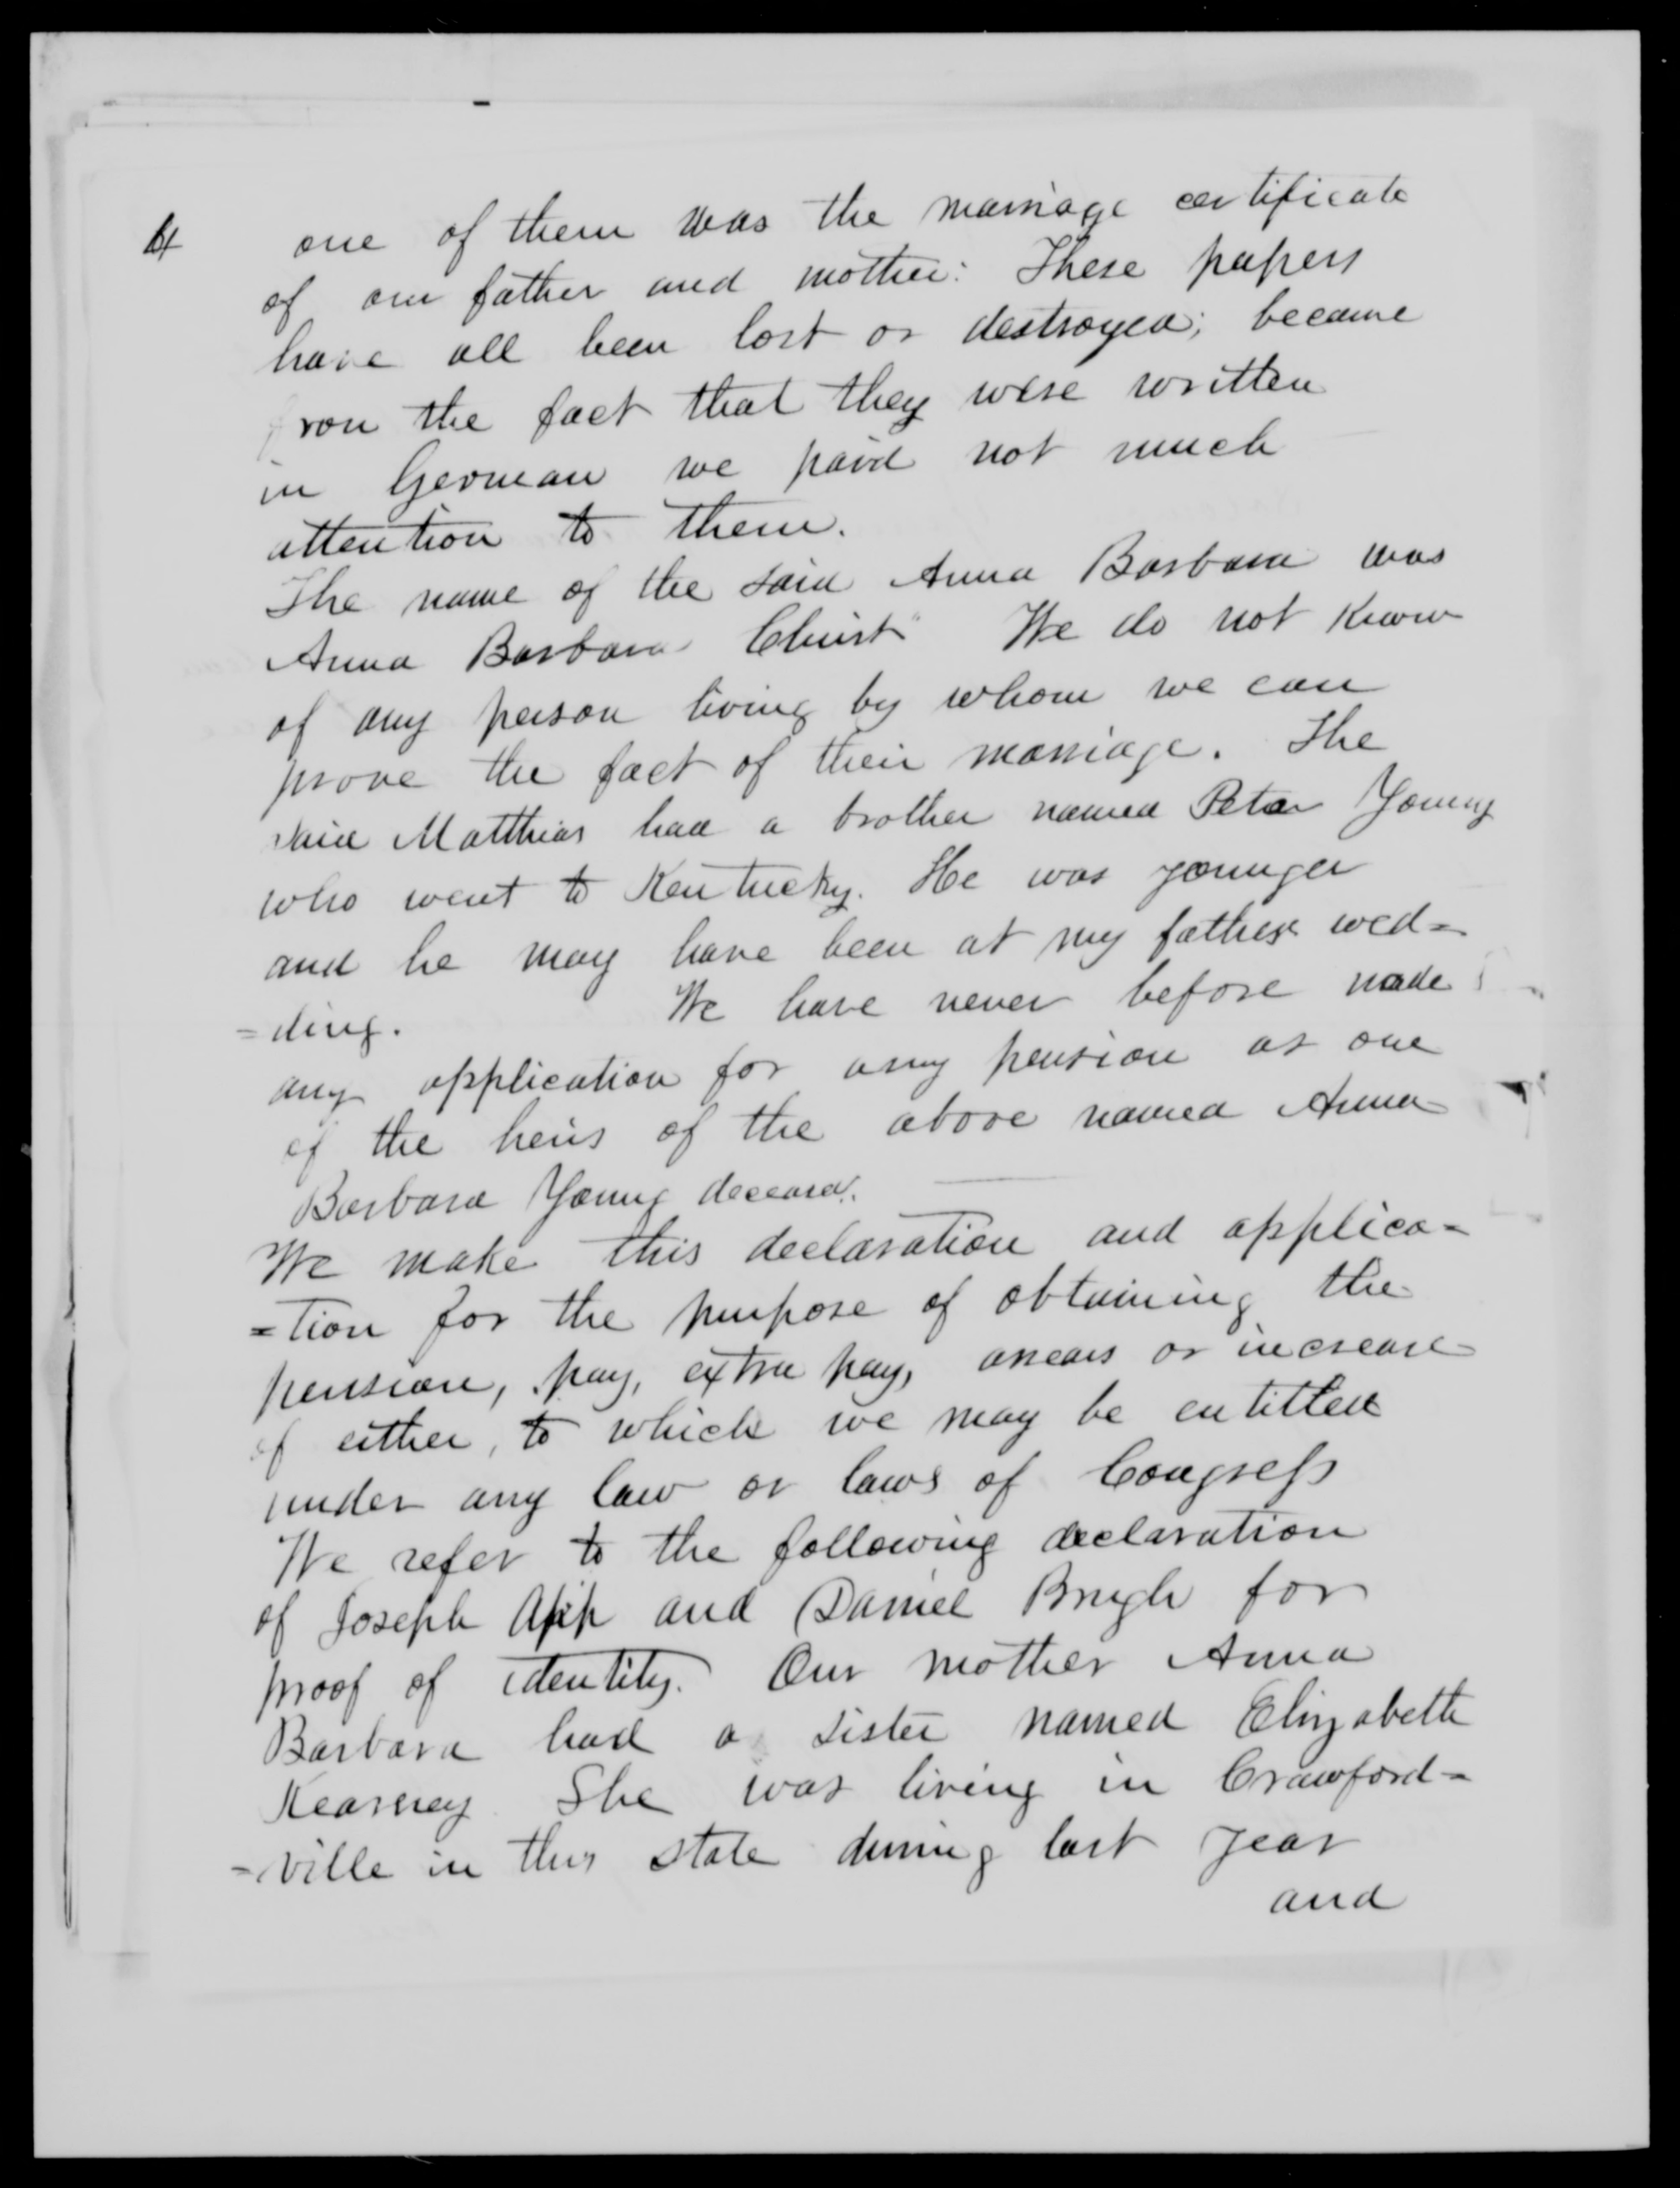4 
one of them was the marriage certificate
of our father and mother. These papers
have all been lost or destroyed; because
from the fact that they were written in
German we paid not much attention to them.
The name of the said Anna Barbara was
Anna Barbara Christ. We do not know
of any person living by whom we can
prove the fact of their marriage. The
said Matthias had a brother named Peter Young
who went to Kentucky. He was younger
and he may have been at my father’s wedding.We have never before made any application for any pension as one of the heirs of the above named Anna Barbara Young deceased.
We make this declaration and application for the purpose of obtaining the pension, pay, extra pay, arrears or increase of either, to which we may be entitled under any law or laws of Congress.
We refer to the following declaration
of Joseph App and Daniel Brugh for
proof of identity. Our mother Anna
Barbara had a sister named Elizabeth
Kearney. She was living in Crawfordville
in this State during last year
and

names: Anna Barbara, Matthias, Joseph App, Elizabeth Kearney, Peter Young, Daniel Brugh, Anna Barbara Young, Anna Barbara Christ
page: 99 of 123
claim: rejected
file: R. 11,949, Matthias Young, Md.